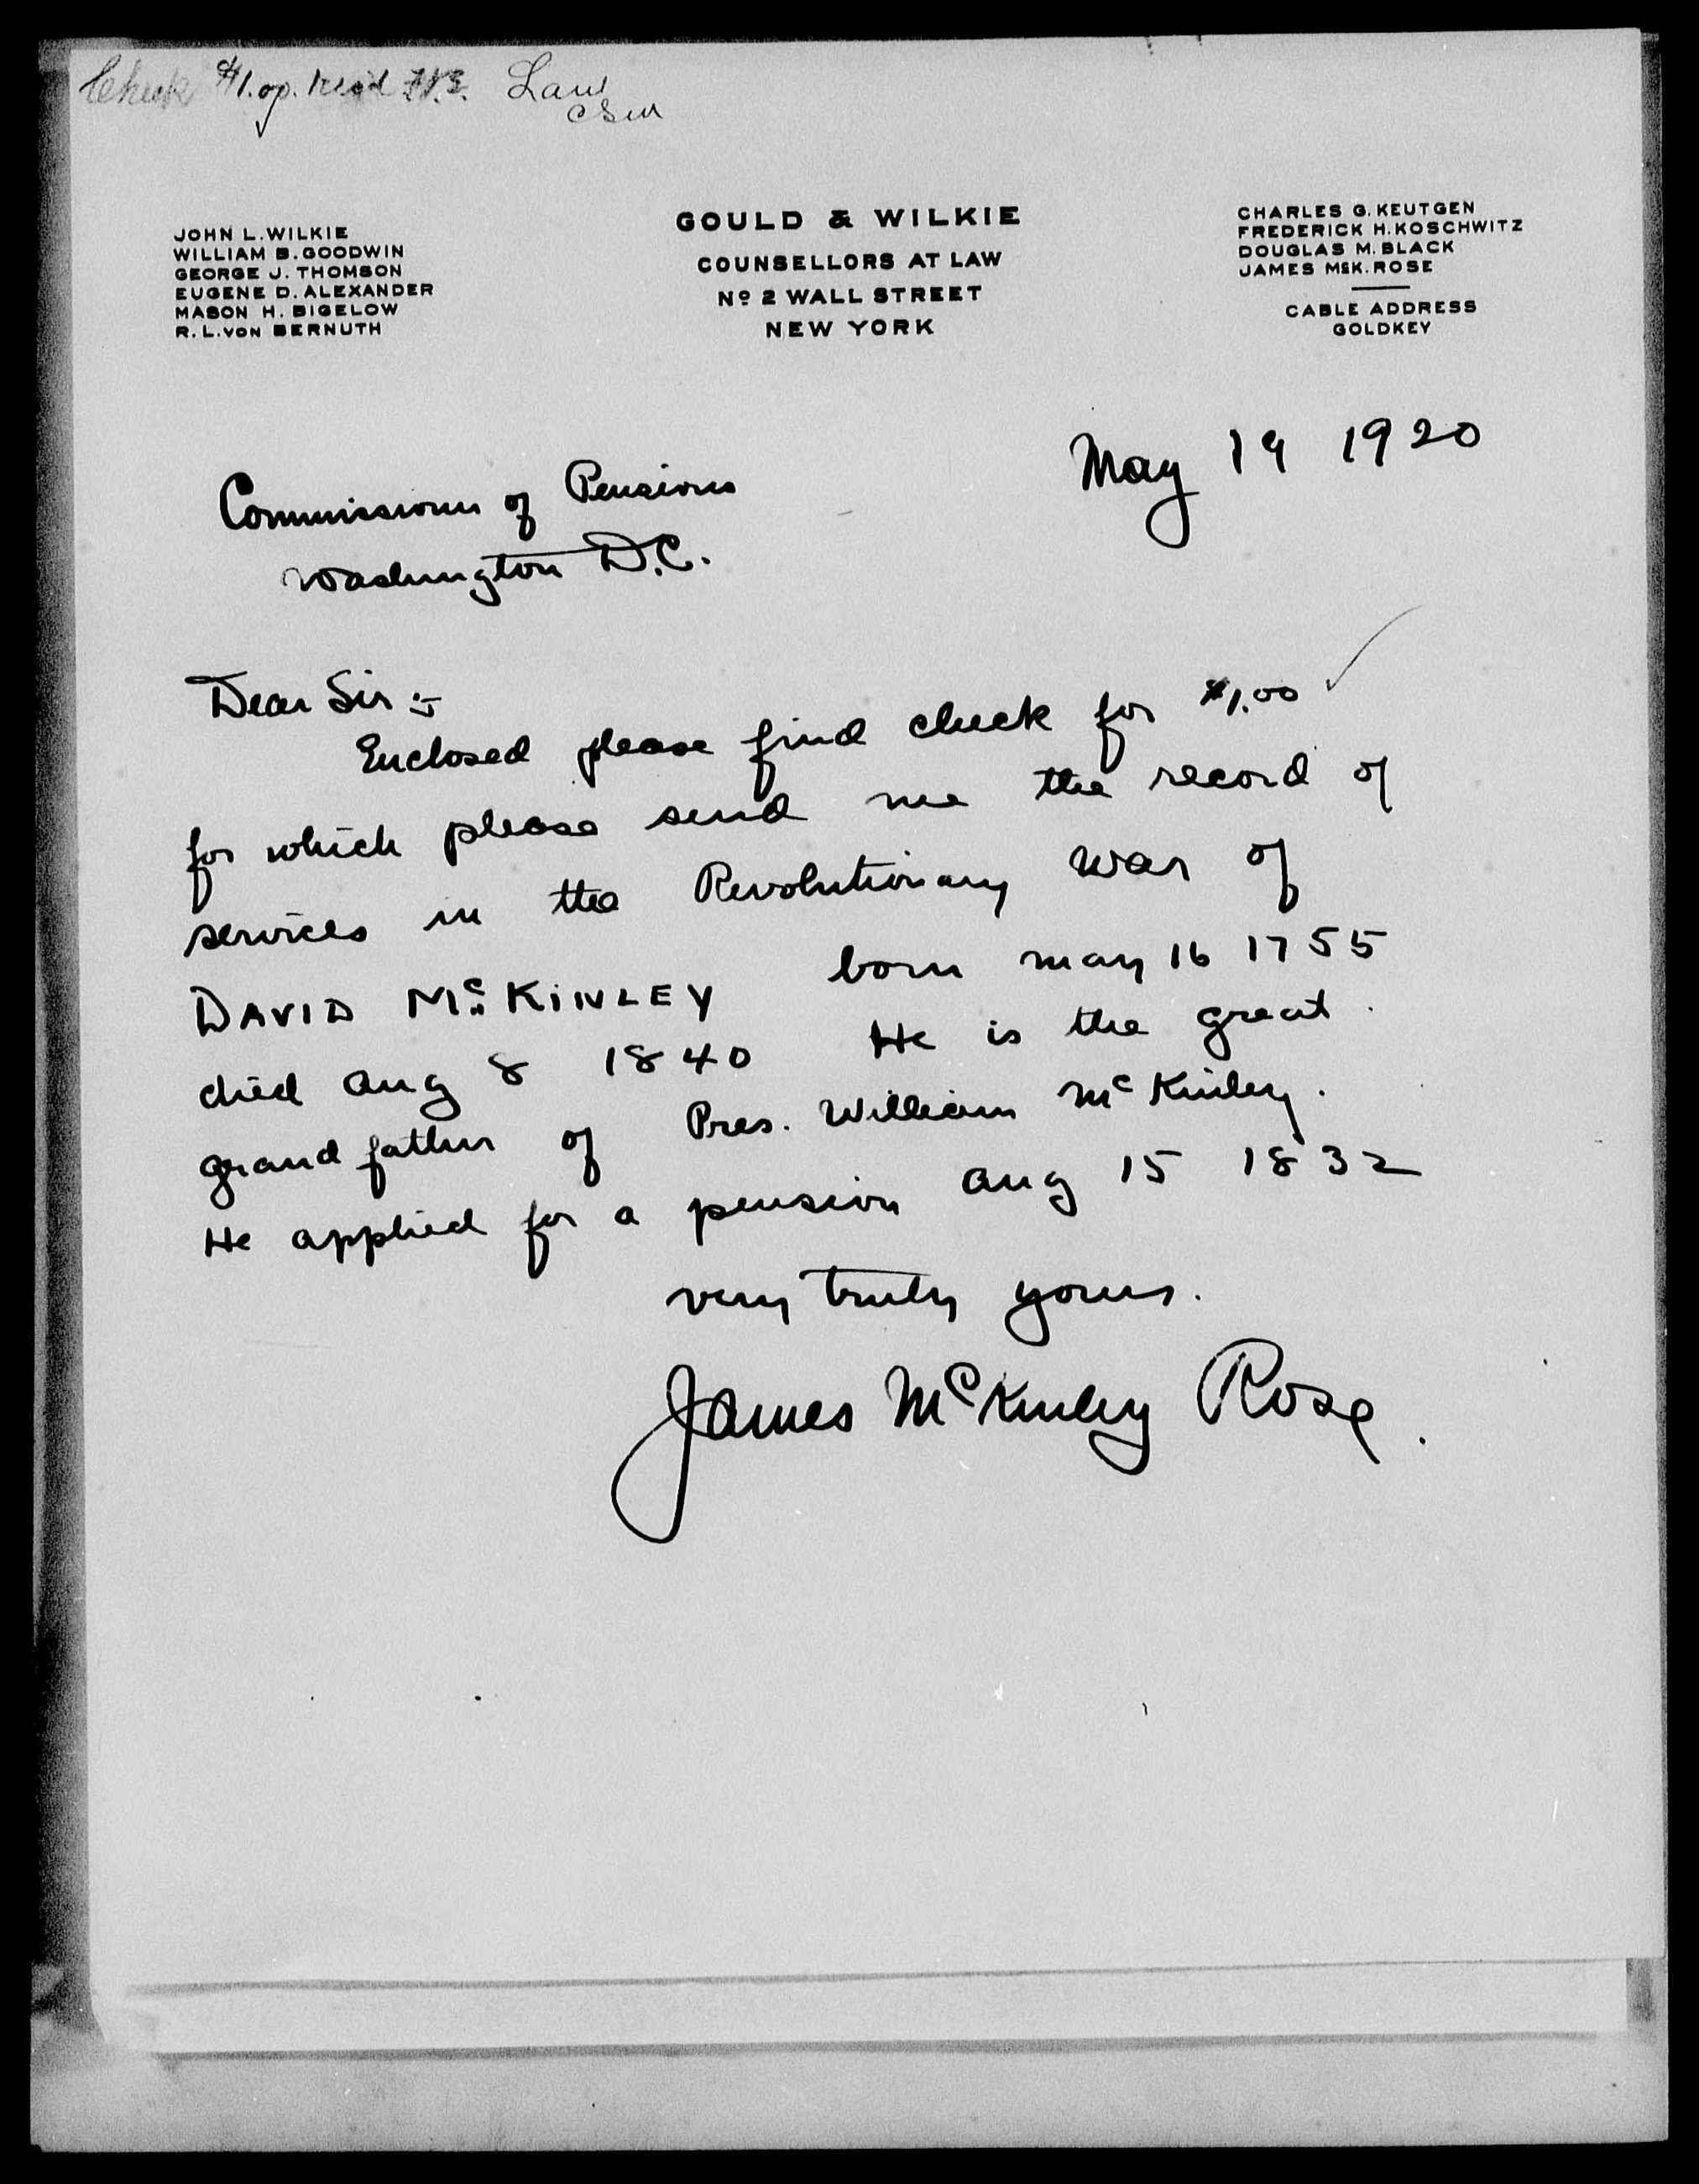[letterhead]
JOHN L. WILKIE
WILLIAM S. GOODWIN
GEORGE J. THOMSON
MASON H. BIGELOW
R. L. VON BERNUTH

GOULD & WILKIE
COUNSELLORS AT LAW
NO 2 WALL STREET
NEW YORK

CHARLES G. KEUTGEN
FREDERICK H. KOSCHWITZ
DOUGLAS M. BLACK
JAMES McK. ROSE
---
CABLE ADDRESS
GOLDKEY

[handwritten letter]
Commissioner of Pensions
Washington D.C.

May 19 1920

Dear Sir,
Enclosed please find check for $1.00
for which please send me the record of
services in the Revolutionary War of
DAVID McKINLEY born May 16 1755
died Aug 8 1840. He is the great
grandfather of Pres. William McKinley.
He applied for a pension Aug 15 1832.

very truly yours
James McKinley Rose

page: 24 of 39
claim: survivor's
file: S. 2812, for David Mc Kinley, Pennsylvania